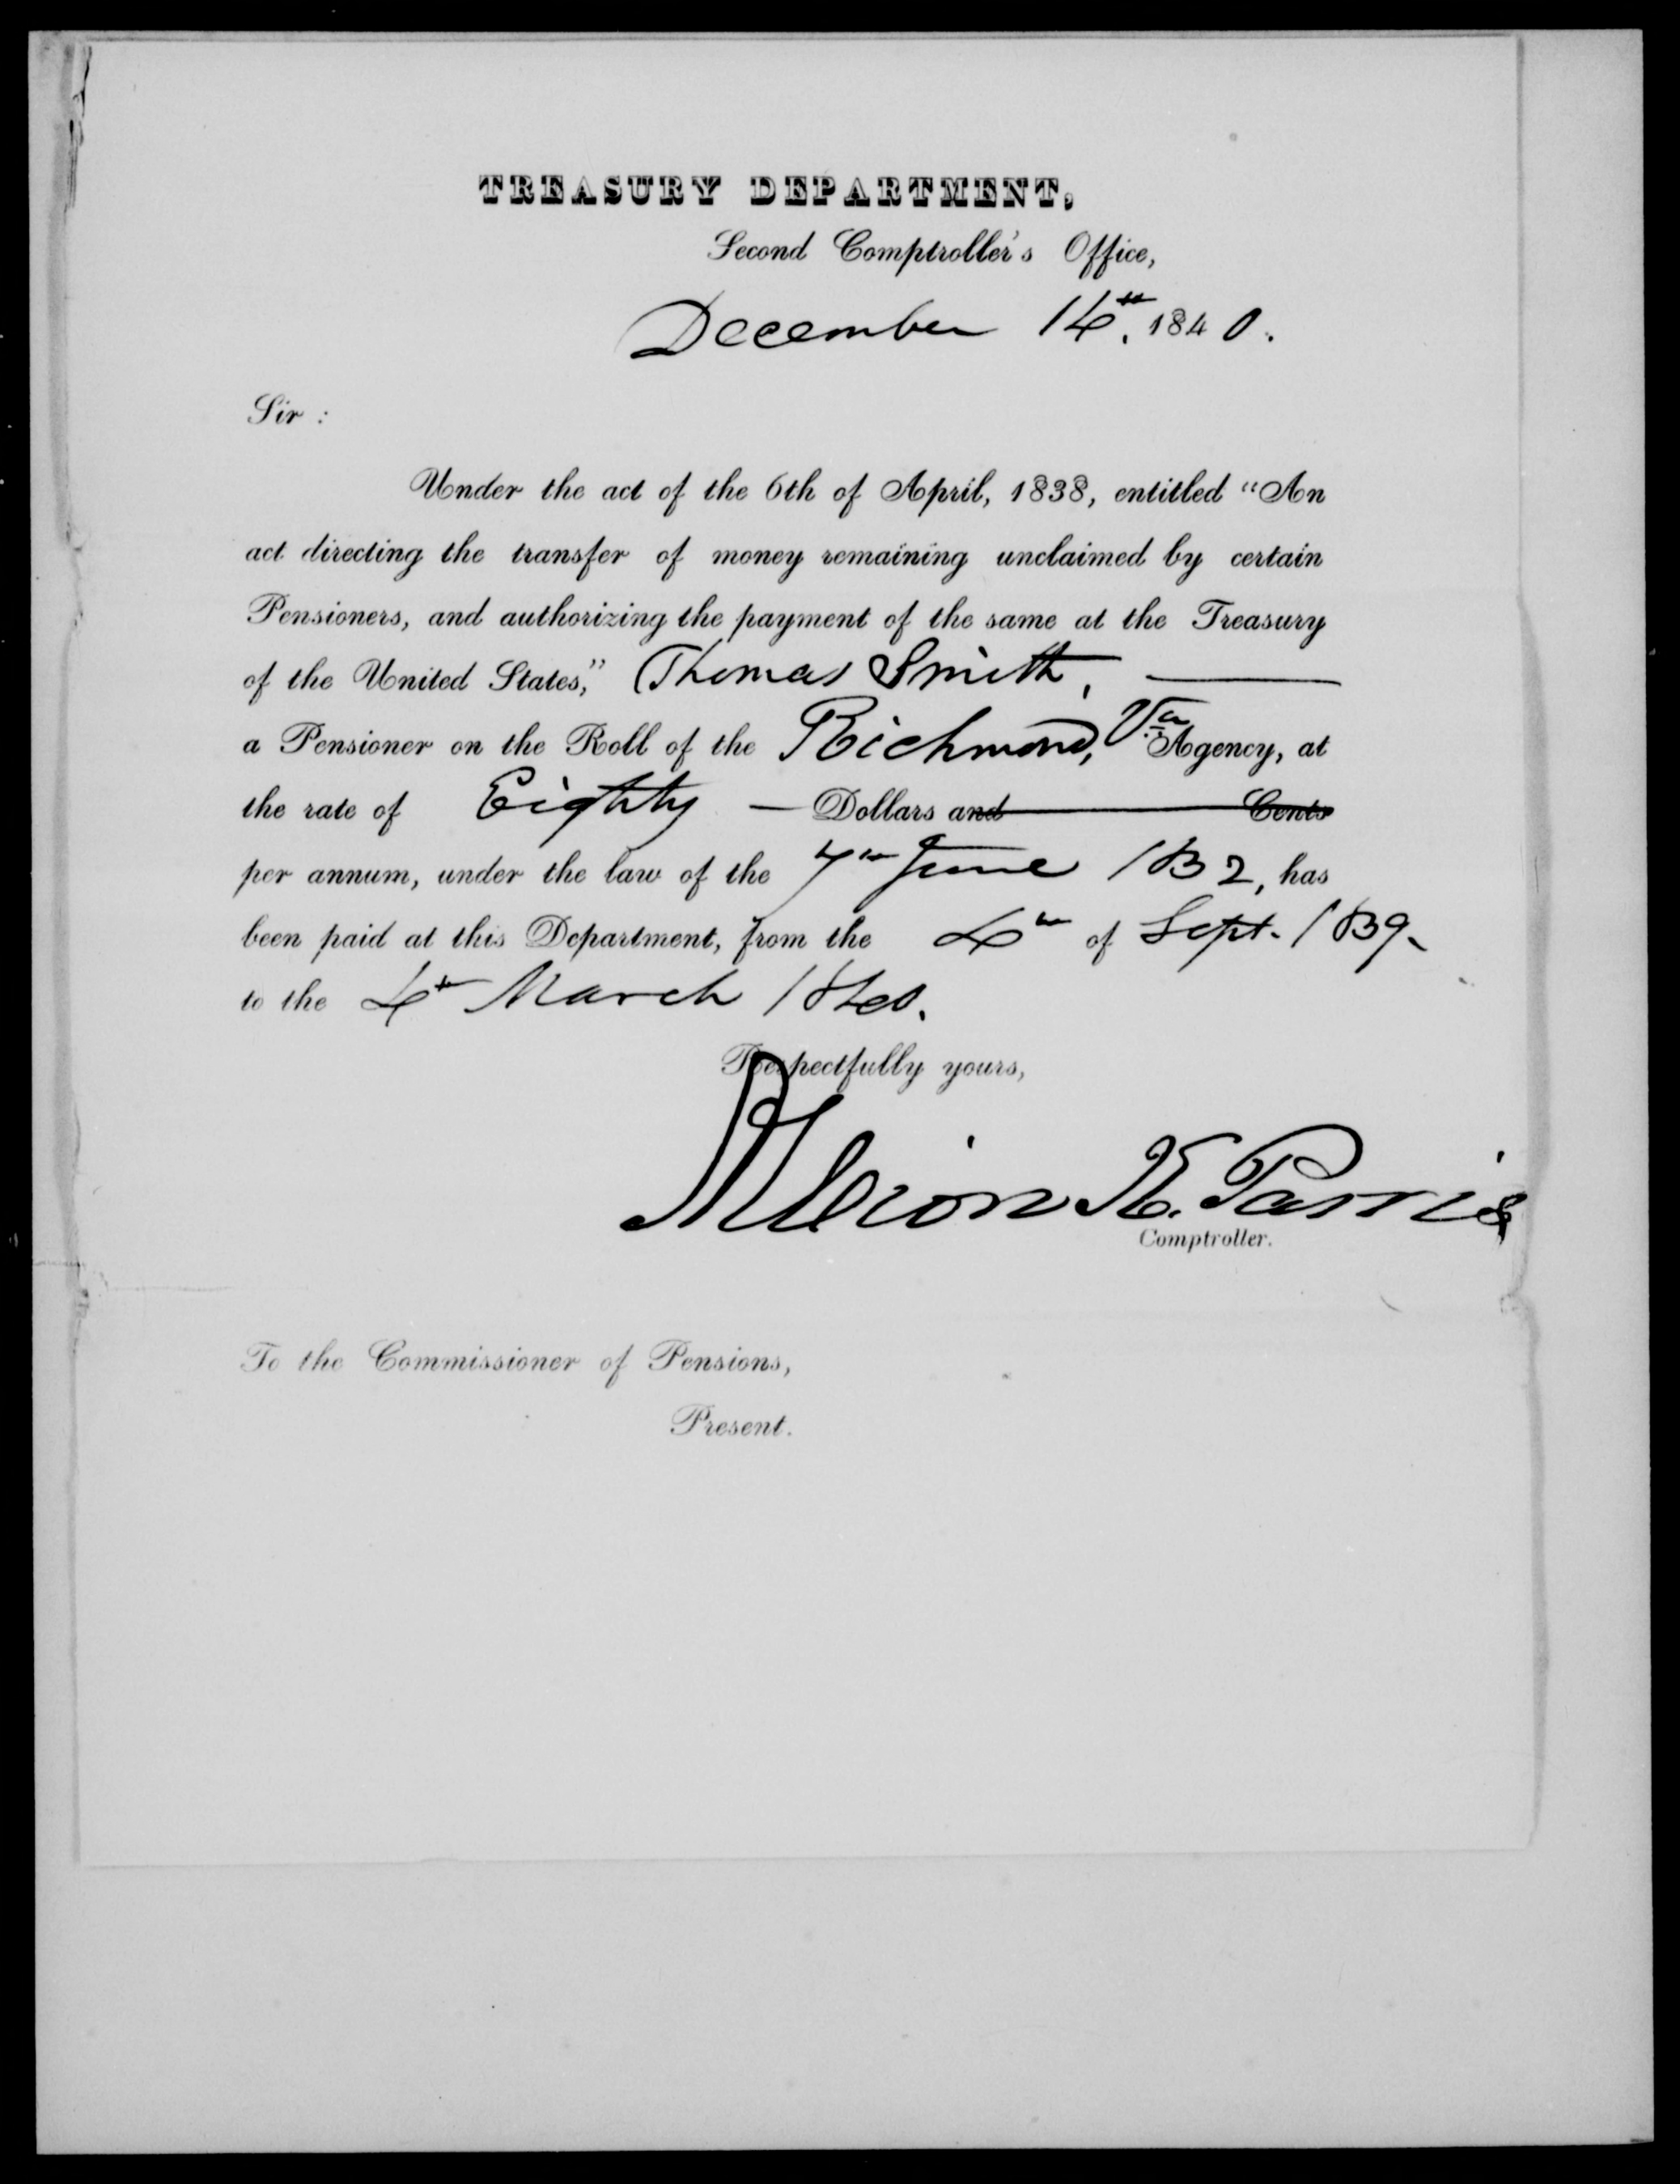TREASURY DEPARTMENT.
Second Comptroller's Office,
December 14th, 1840.

Sir:
Under the act of the 6th of April, 1838 entitled "An act directing the transfer of money remaining unclaimed by certain Pensioners, and authorizing the payment of the same at the Treasury of the United States," Thomas Smith, - a Pensioner on the Roll of the Richmond, Va., Agency, at the rate of Eighty - Dollars per annum, under the law of the 7th June, 1832, has been paid at this Department from the 4th of Sept. 1839, to the 4th March, 1840.
Respectfully, yours,
Albion K. Parris
Comptroller.

To the Commissioner of Pensions,
Present.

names: Thomas Smith; Albion K Parris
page: 17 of 23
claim: survivor's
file: S. 6,125, for Thomas Smith, Virginia